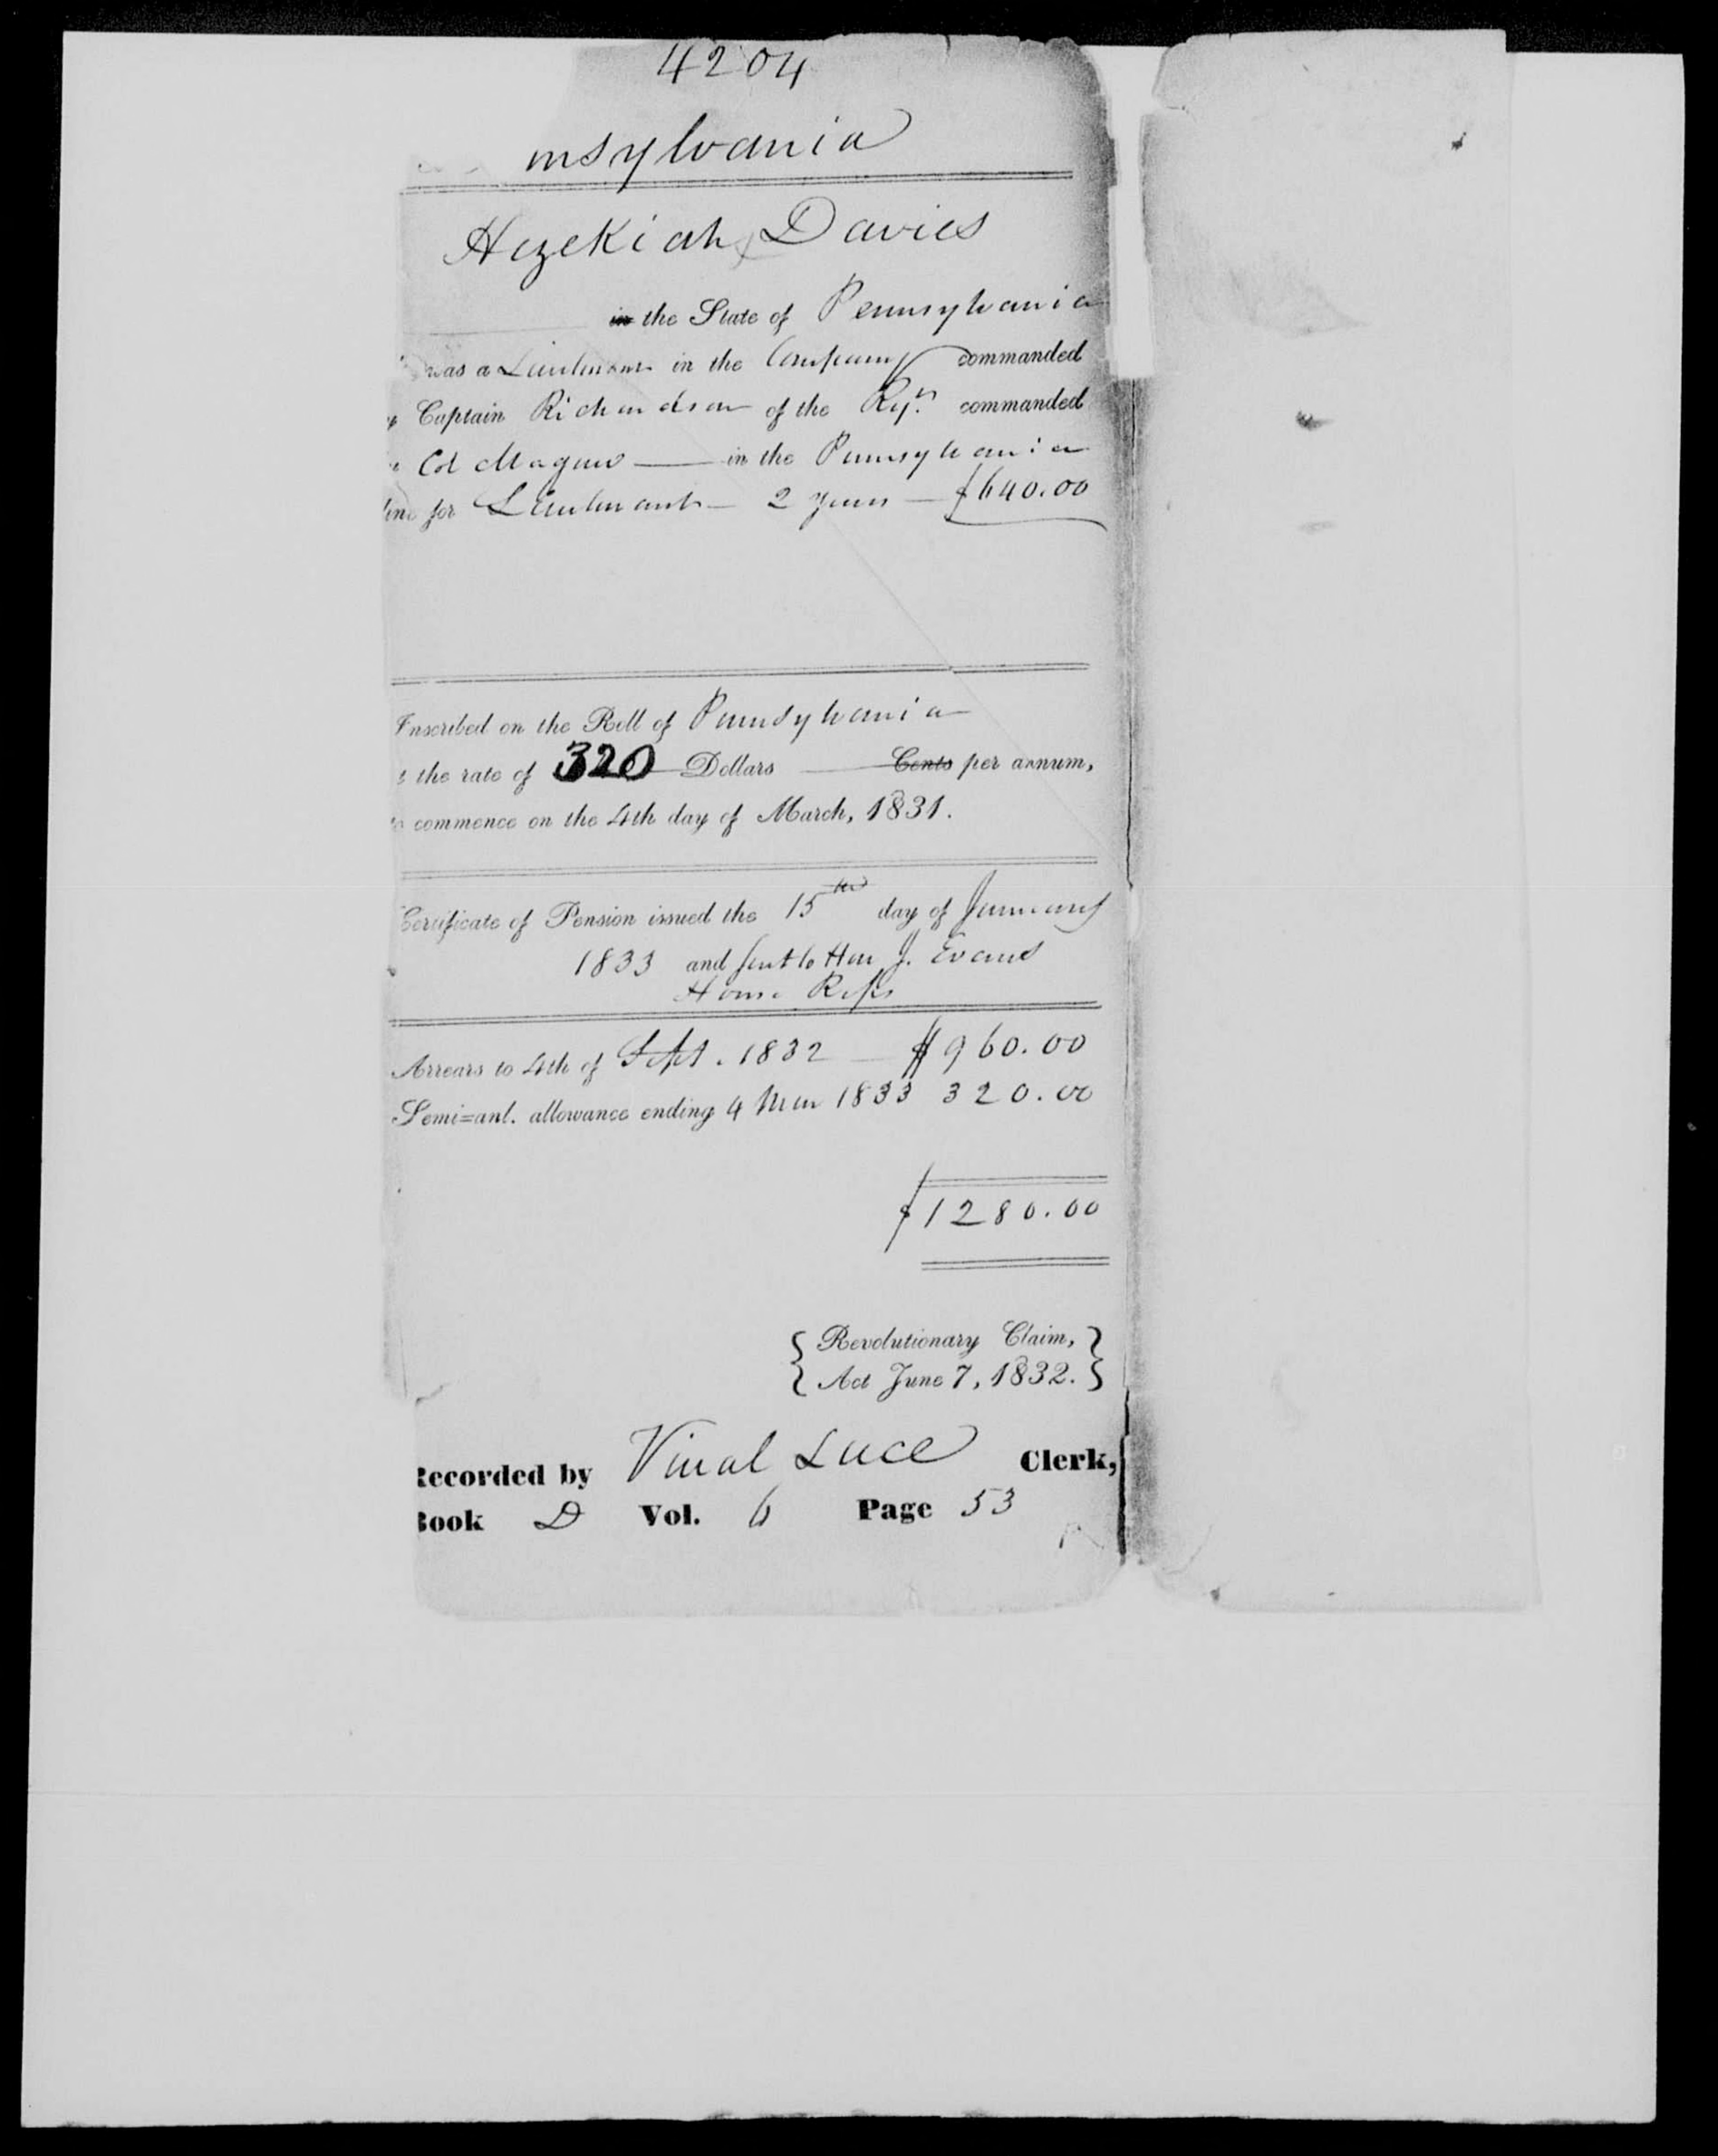4204
     nsylvania
Hezekiah Davis
the State of Pennsylvania was a Lieutenant in the Company commanded by Captain Richardson of the Regt. commanded by Col. Magaw in the Pennsylvania line for Lieutenant -2 years-$640.00

Inscribed on the Roll of Pennsylvania 
at the rate of 320 Dollars Cents per annum, 
to commence on the 4th day of March, 1831.

Certificate of Pension issued the 15th day of January 1833 and sent to Hon. J. Evans
House Reps

Arrears to 4th of Sept. 1832 _ $960.00
Semi-anl. allowance ending 4 Mar 1833 320.00

$1280.00

{Revolutionary Claim, Act June 7, 1832.}

Recorded by Vinal Luce Clerk,
Book D.  Vol. 6.   Page 53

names: Magaw, Vinal Luce, Richardson, Hezekiah Davies, J Evans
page: 2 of 57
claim: survivor's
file: S. 2161, Hezekiah Davies, Penn